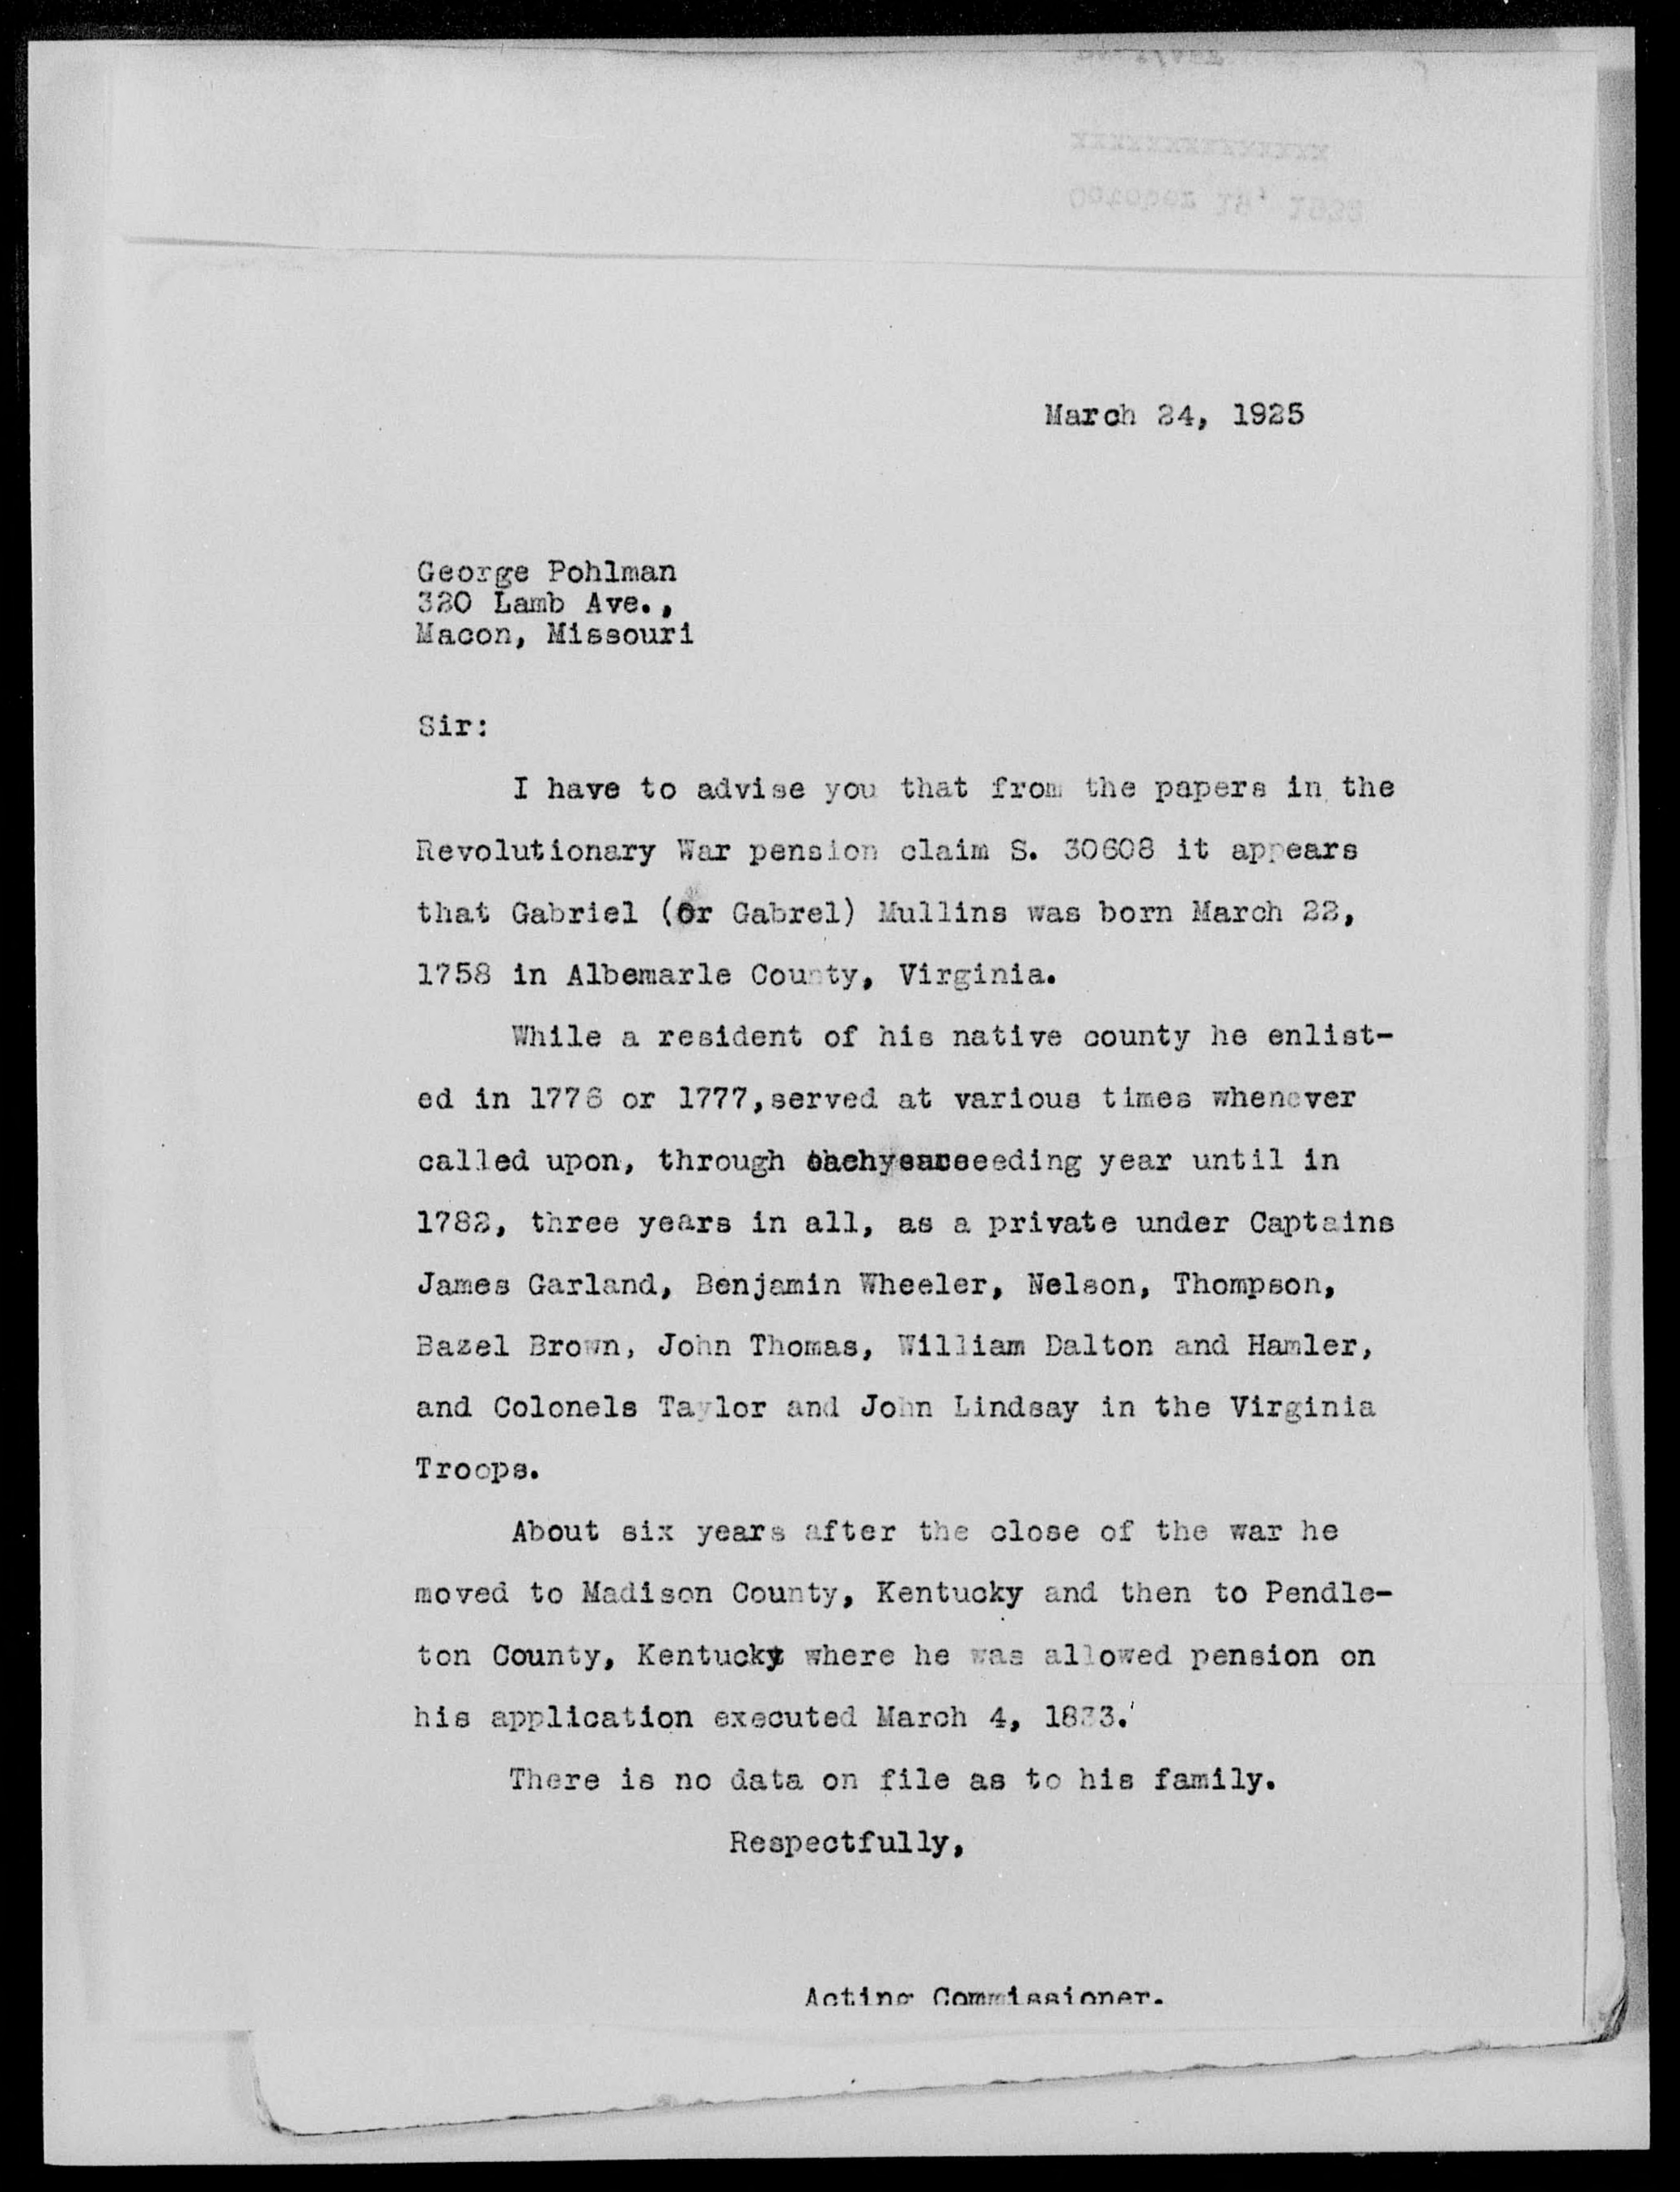March 24, 1925            

George Pohlman
320 Lamb Ave.
Macon, Missouri 

 Sir:

I have to advise you that from the papers in the
Revolutionary War pension claim S. 30608 it appears
that Gabriel (or Gabrel ) Mullins was born March 22,
1758 in Albemarle County, Virginia.
While a resident of his native county he enlisted
in 1776 or 1777, served at various times whenever
called upon, through each succeeding year until in
1782, three years in all, as a private under Captains
James Garland, Benjamin Wheeler, Nelson, Thompson,
Bazel[Brazie] Brown, John Thomas, William Dalton and Hamler,
and Colonels Taylor and John Lindsay in the Virginia
Troops.
About six years after the close of the war he
moved to Madison County, Kentucky and then to Pendleton
County, Kentucky where he was allowed pension on
his application executed March 4, 1833.
There is no data on file as to his family.
Respectfully,

Acting Commissioner.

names: John Thomas; [BLANK] Nelson; James Garland; Benjamin Wheeler; Gabrel Mullins; [BLANK] Hamler; Gabriel Mullins; [BLANK] Thompson; John Lindsay; Taylor Lindsay; Bazel Brown; William Dalton; George Pohlman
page: 33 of 34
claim: survivor's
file: S. 30608, for Gabrel Mullins, Virginia